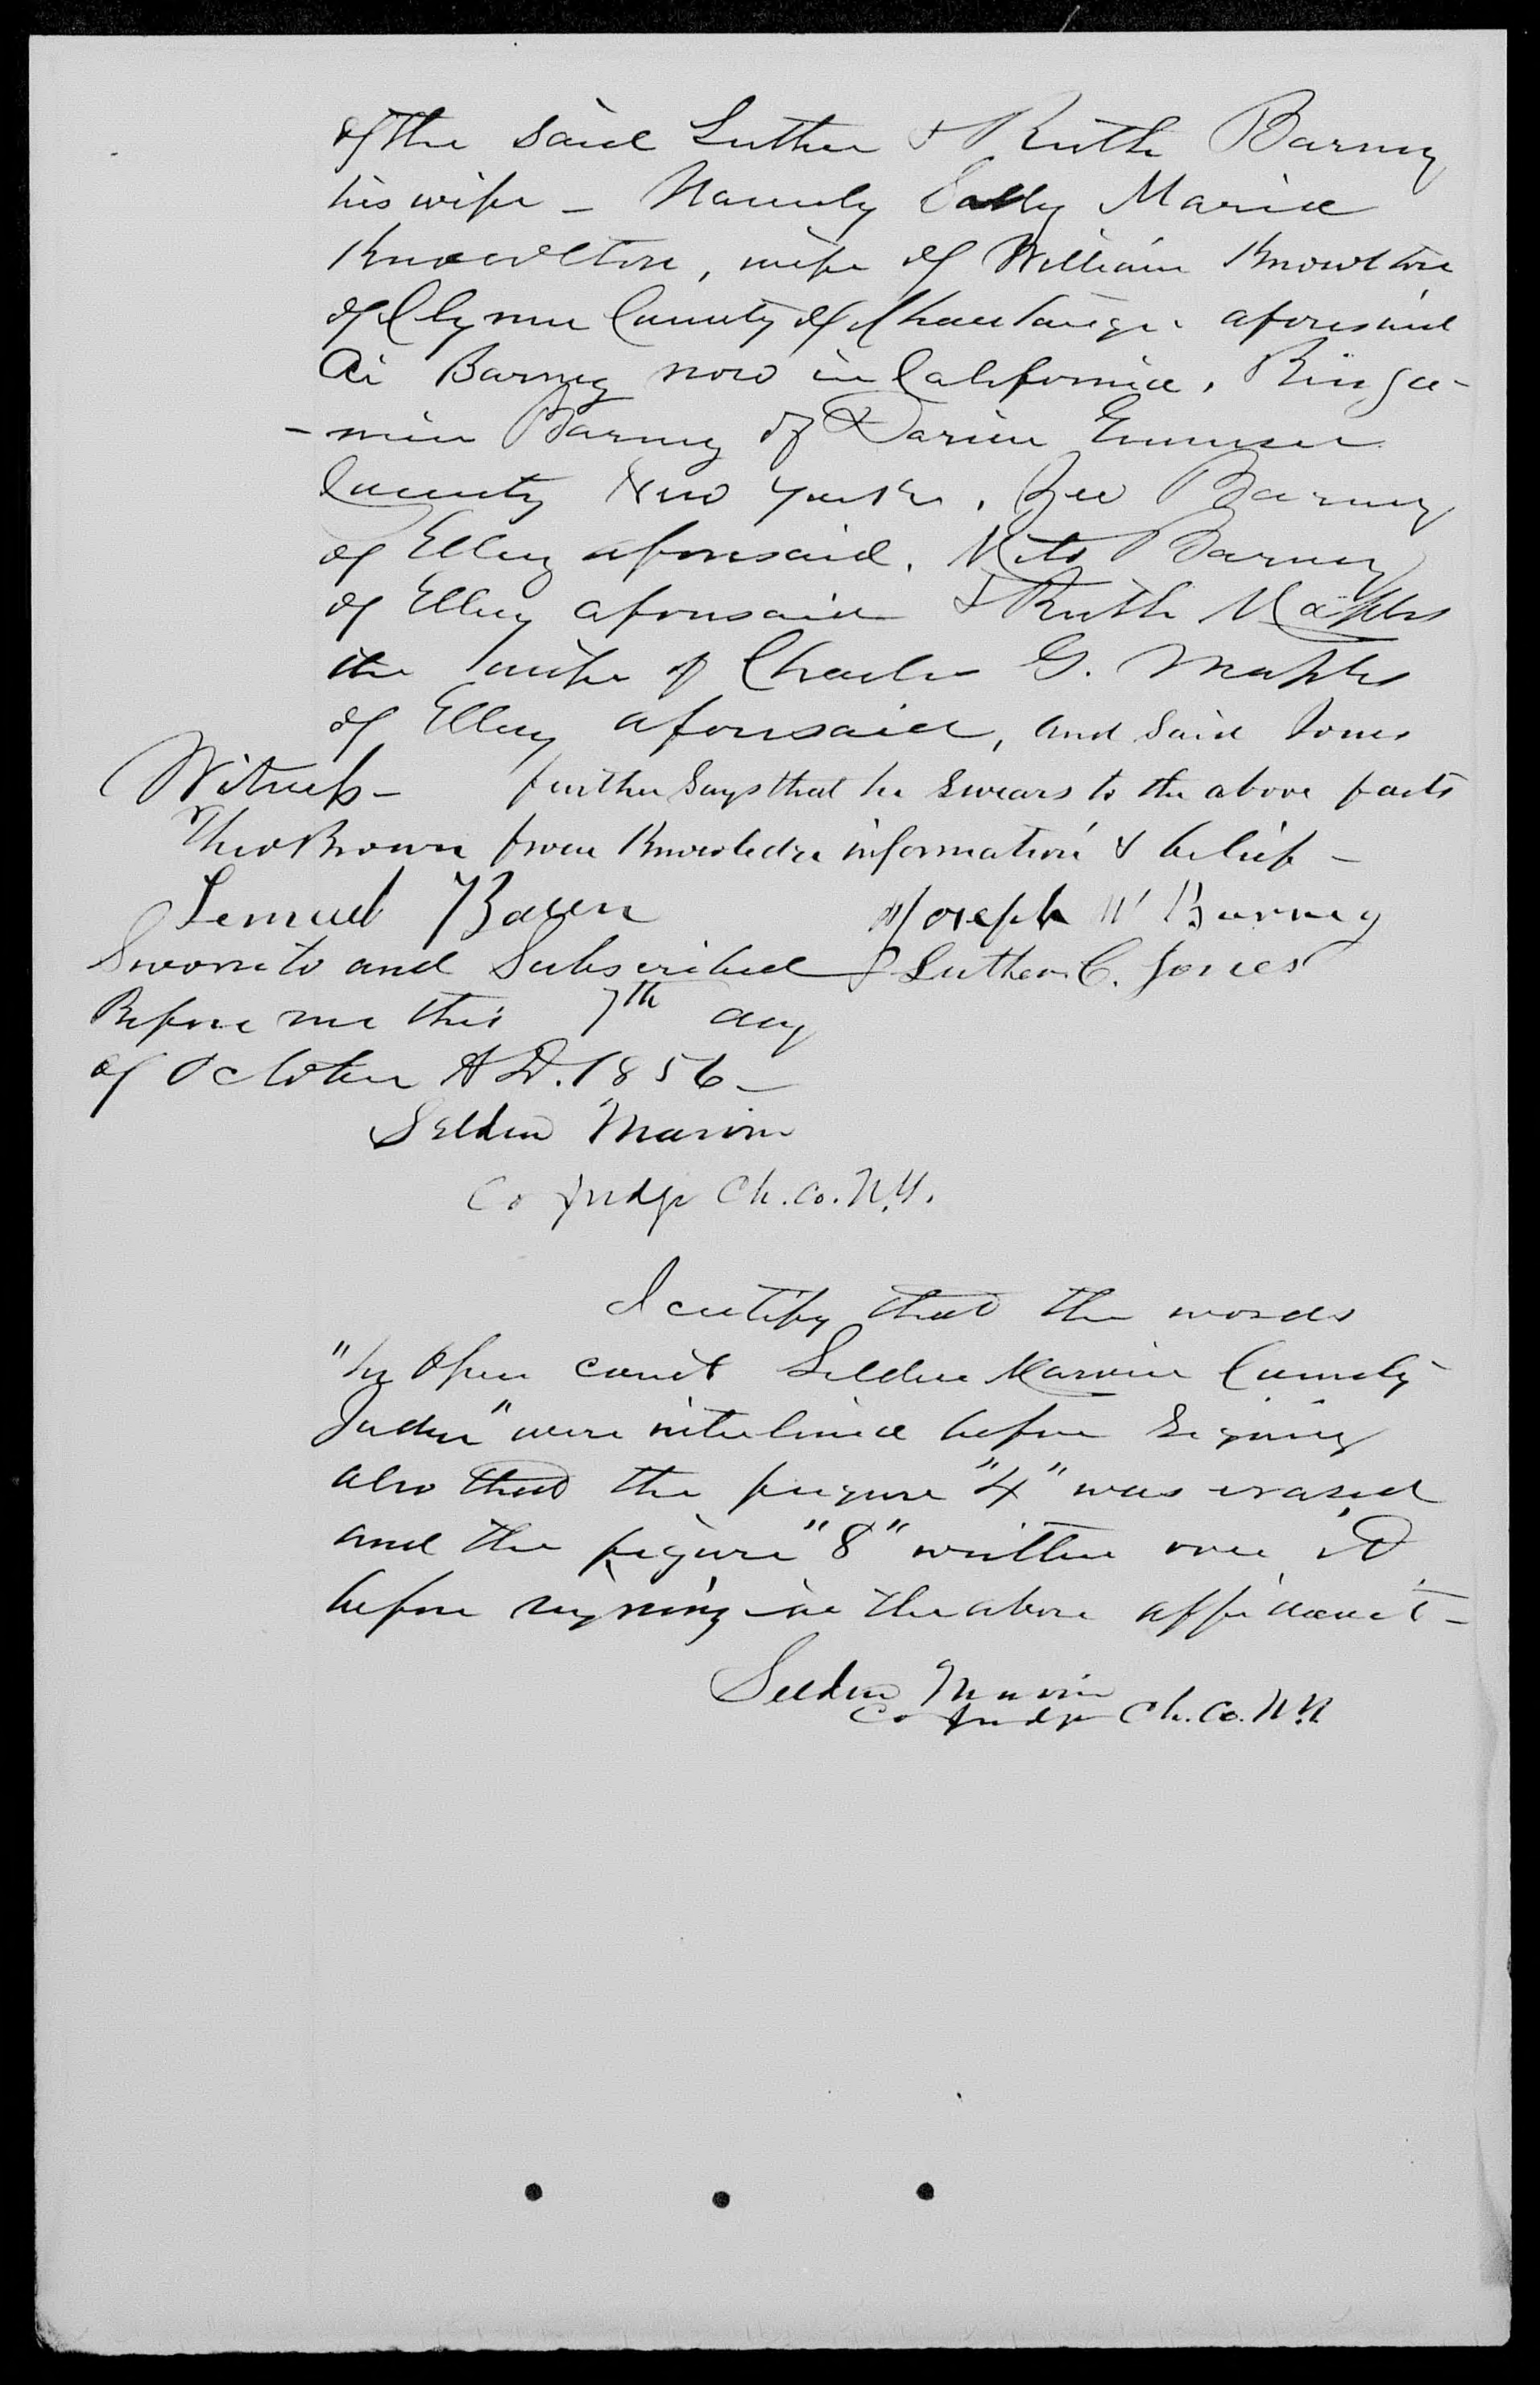of the said Luther & Ruth Barney his wife -
Namely Sally Maria Knowlton, wife of William Knowlton of Clymer County of Chautauqua, aforesaid, Ai Barney now in California, Benjamin Farney of Darien Genessee County New York, Zee Barney of Ellery aforesaid, Kits Barney of Ellery aforesaid & Ruth Maples the wife of Charles G. Maples of Ellery aforesaid, and said Jones further says that he swears to the above facts from knowledge information & belief. ["and ... belief" in a different hand]

Witness -
Tho Brown
Lemuel Bacon [?]
Joseph W. Barney
Luther C. Jones

Sworn to and Subscribed before me this seventh day of October A D. 1856
Seldin Marvin
Co. Judge Ch. Co. N.Y.

I certify that the words "in open Court Seldin Marvin County Judge" were interlined before signing also that the figure "4" was erased and the figure "8" written over it before signing in the above affidavit

Seldin Marvin
Co Judge Ch. Co. N. Y.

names: Ai Barney, Charles G Maples, William Knowlton, Theo Brown, Lemuel Balen, Zee Barney, Luther Barney, Luther C Jones, Milo Barney, Sally Maria Knowlton, Selden Marvin, Ruth Barney, Joseph W Barney, Barney, Selden Marvin, Ruth Maples, Jones, Selden Marvin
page: 30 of 61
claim: widow's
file: W. 4.124, Luther Barney, Conn. Privateer.